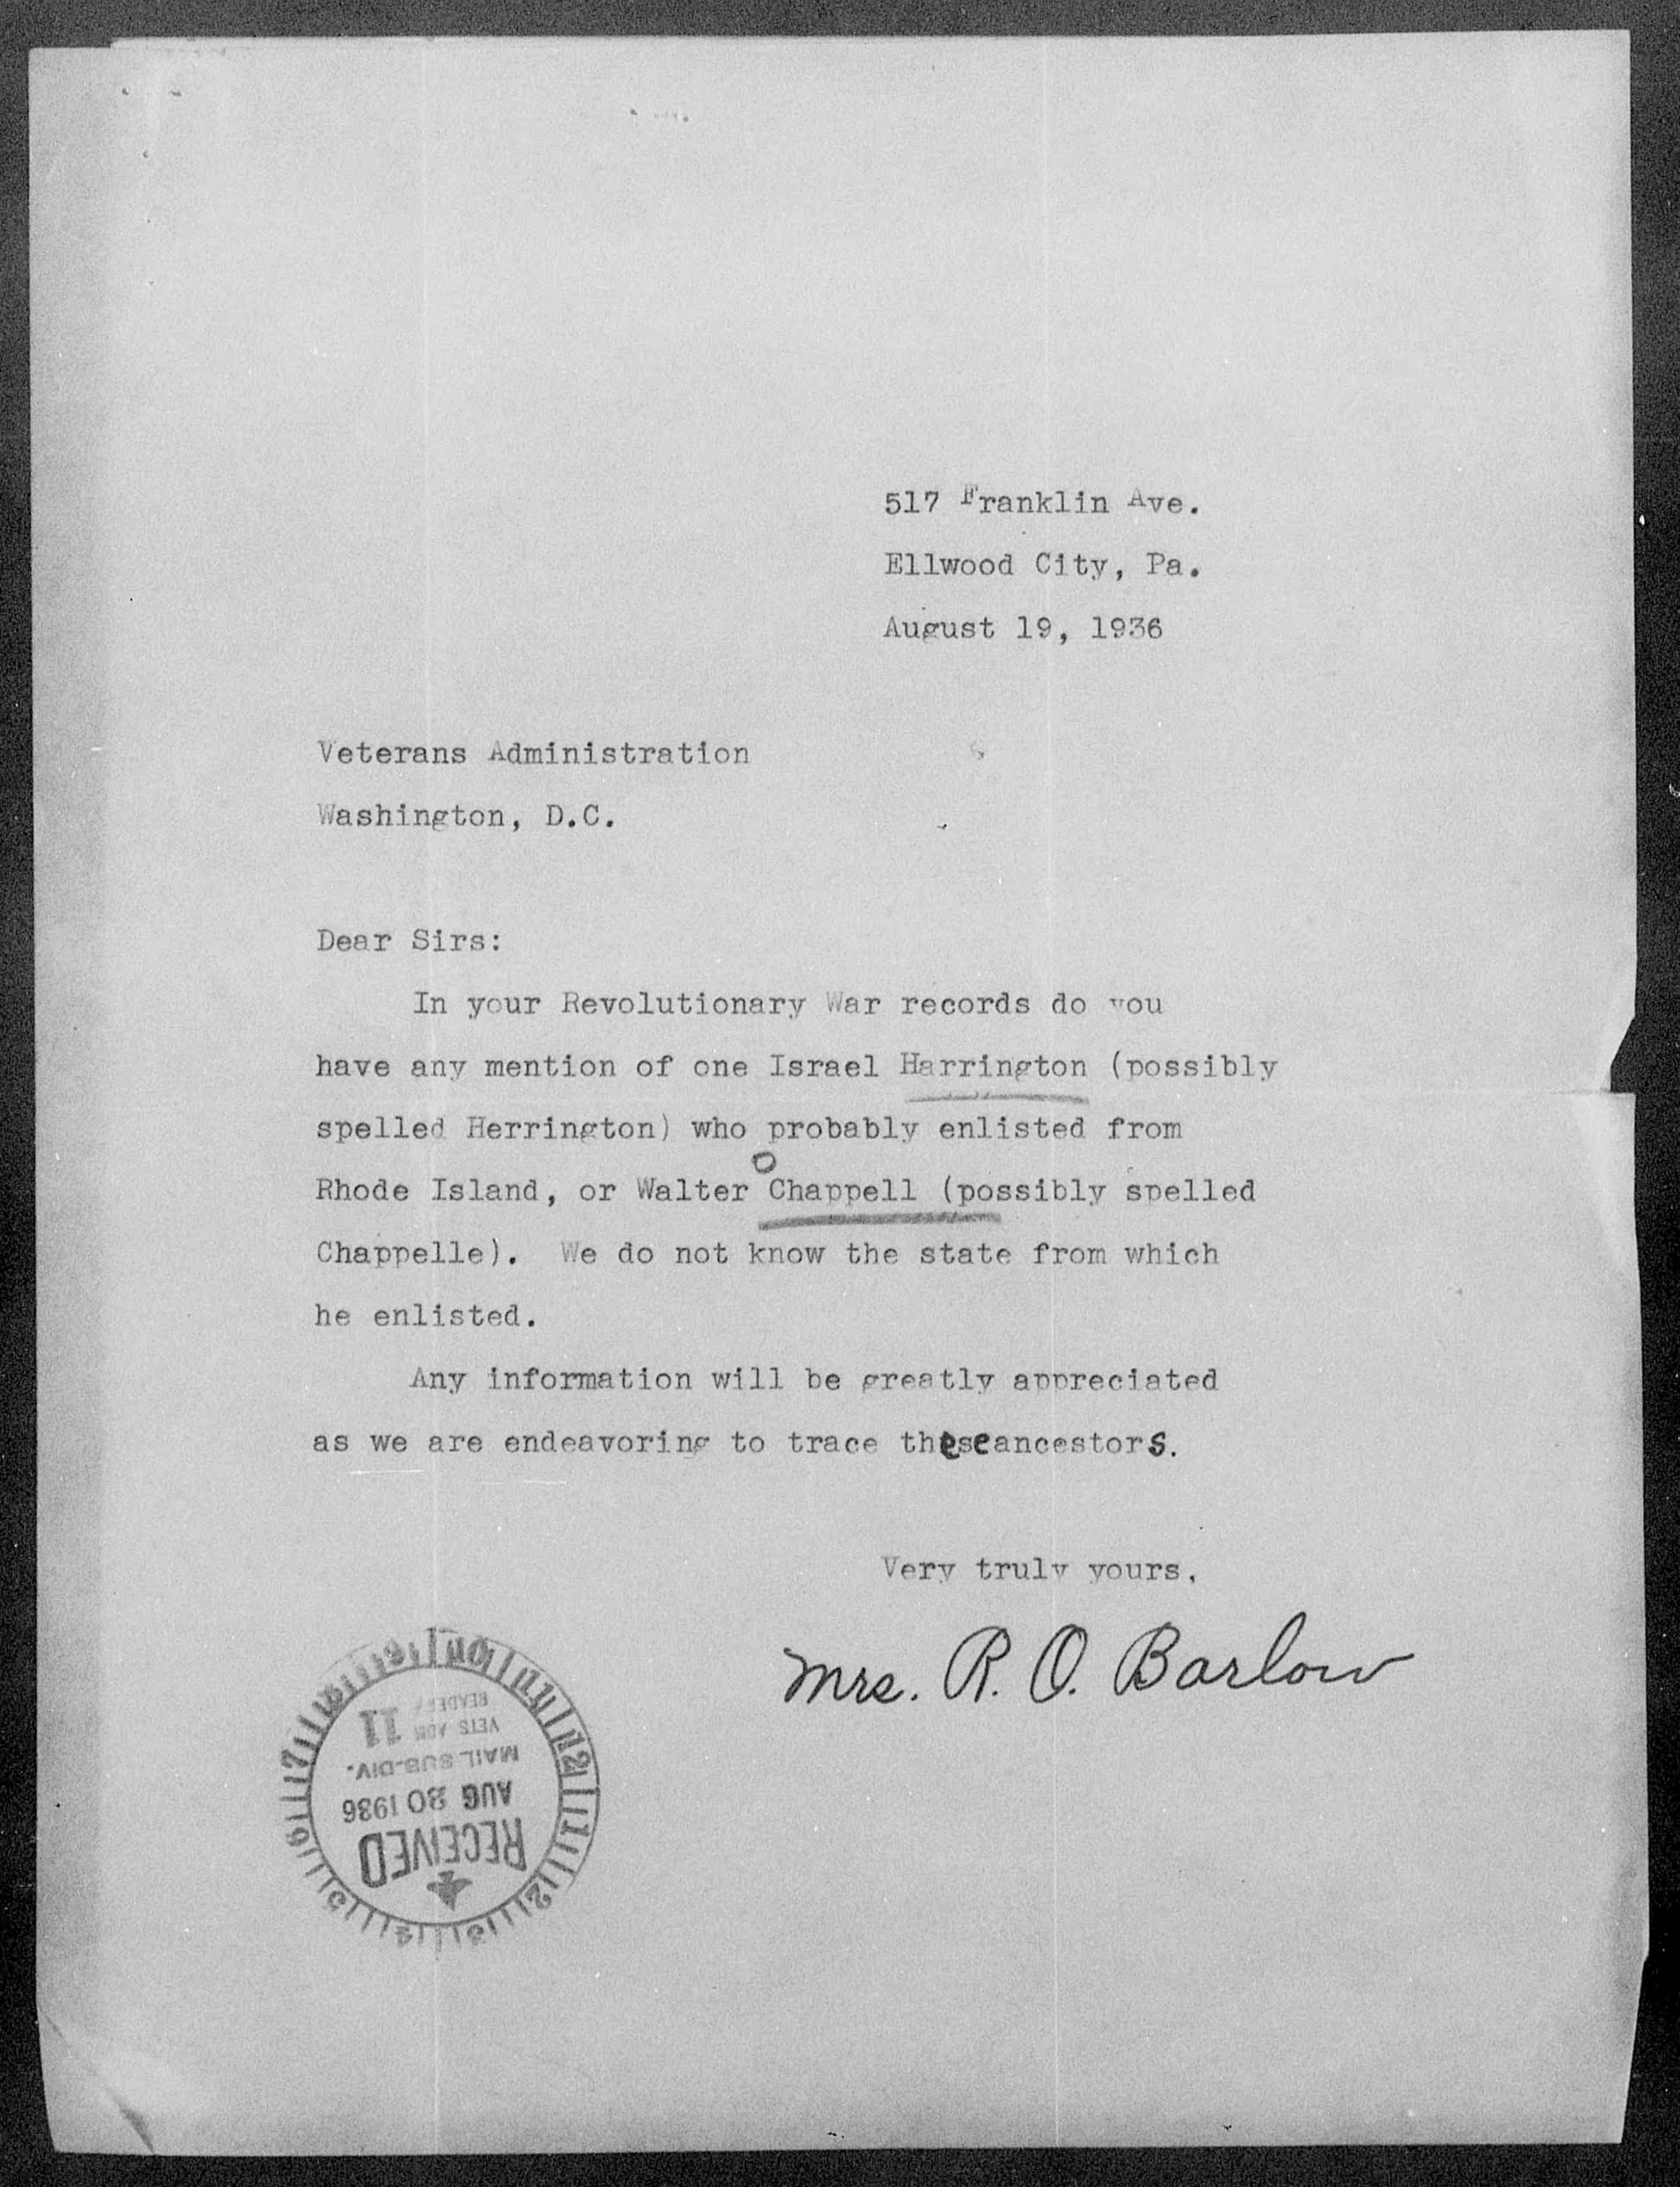517 Franklin Ave.
Ellwood City, Pa.
August 19, 1936

Veterans Administration
Washington, D.C.

Dear Sirs:

In your Revolutionary War do you have any mention of the Israel Harrington (possibly spelled Herrington) who probably enlisted from Rhode Island, or Walter Chappell (possibly spelled Chappelle) We do not know the state from which he enlisted.

Any information will be greatly appreciated as we are endeavoring to trace these ancestors.

Very truly yours,
Mrs. R. O. Barlow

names: Israel Harrington, Harrington, R O Barlow, Chappelle, Walter Chappell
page: 14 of 51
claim: widow's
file: W. 19,026, Israel Harrington, R.I.